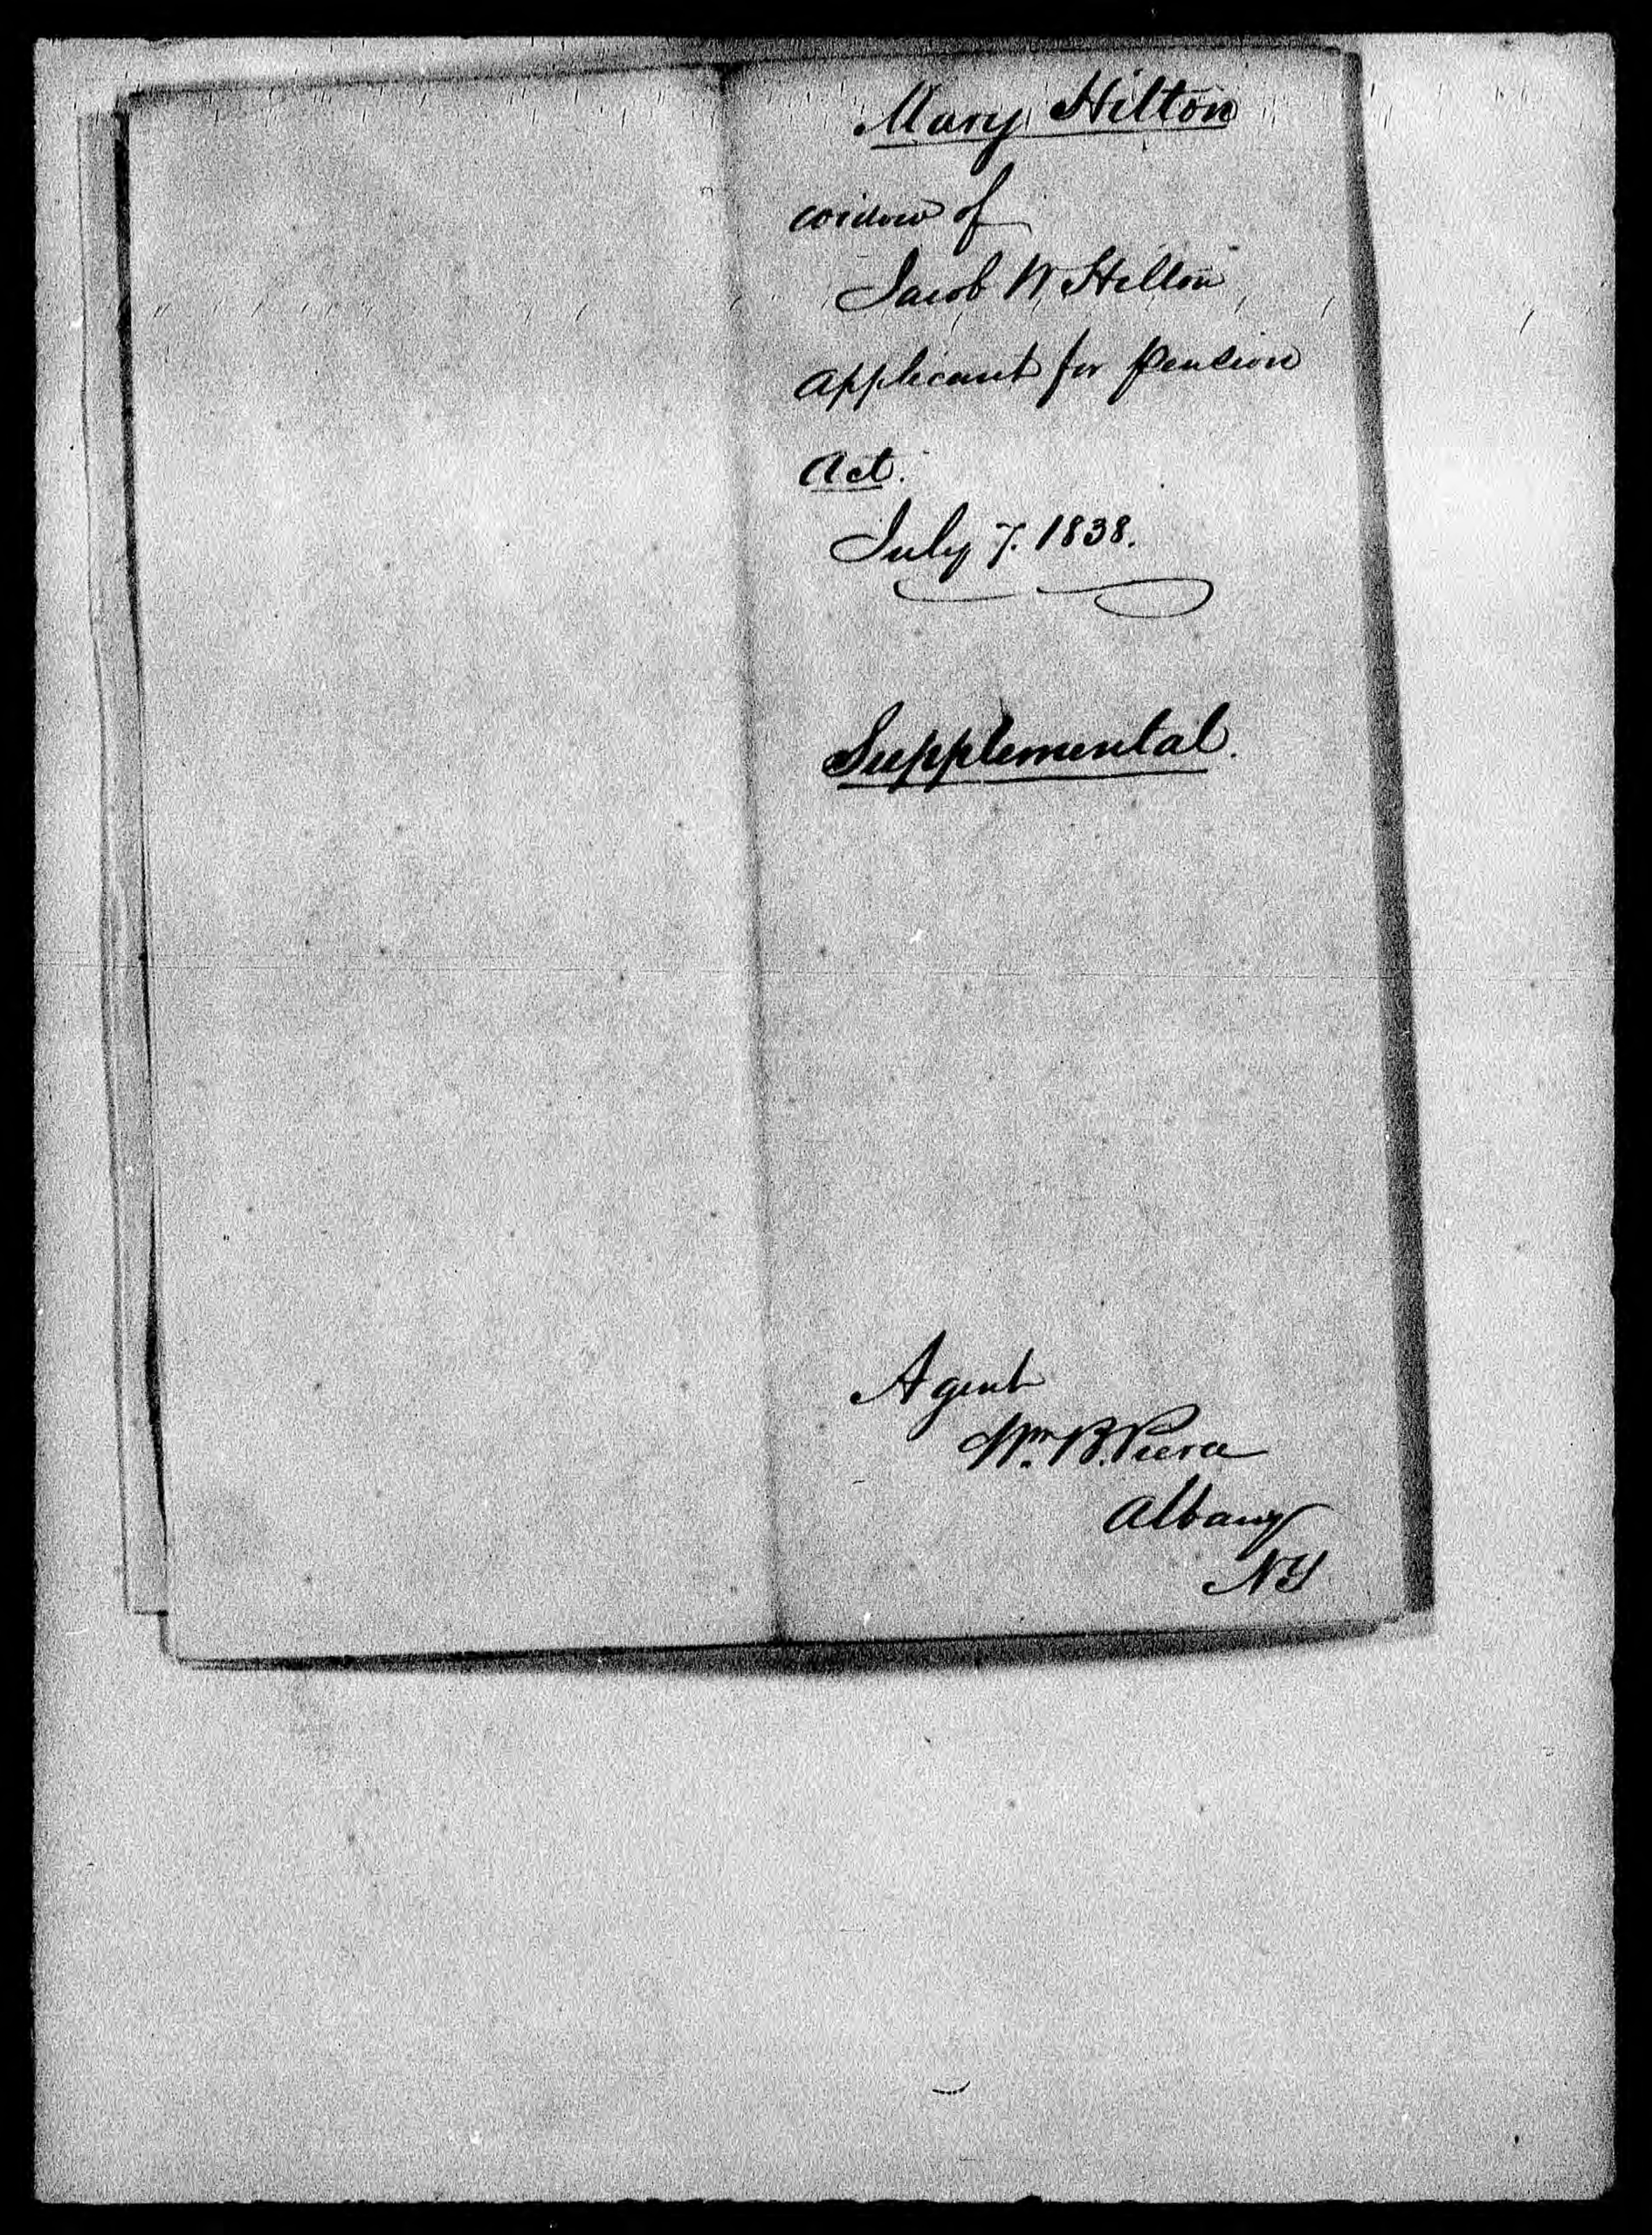Mary Hilton (underlined)
widow of 
Jacob W Hilton
applicant for pension 
Act (underlined)
July 7 1838
Supplemental (underlined)
Agent M.B. Pierce
Albany 
NY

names: Wm B Pierce, Jacob W Hilton, Mary Hilton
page: 21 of 48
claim: widow's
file: W. 19788, Jacob W Hilton, New York